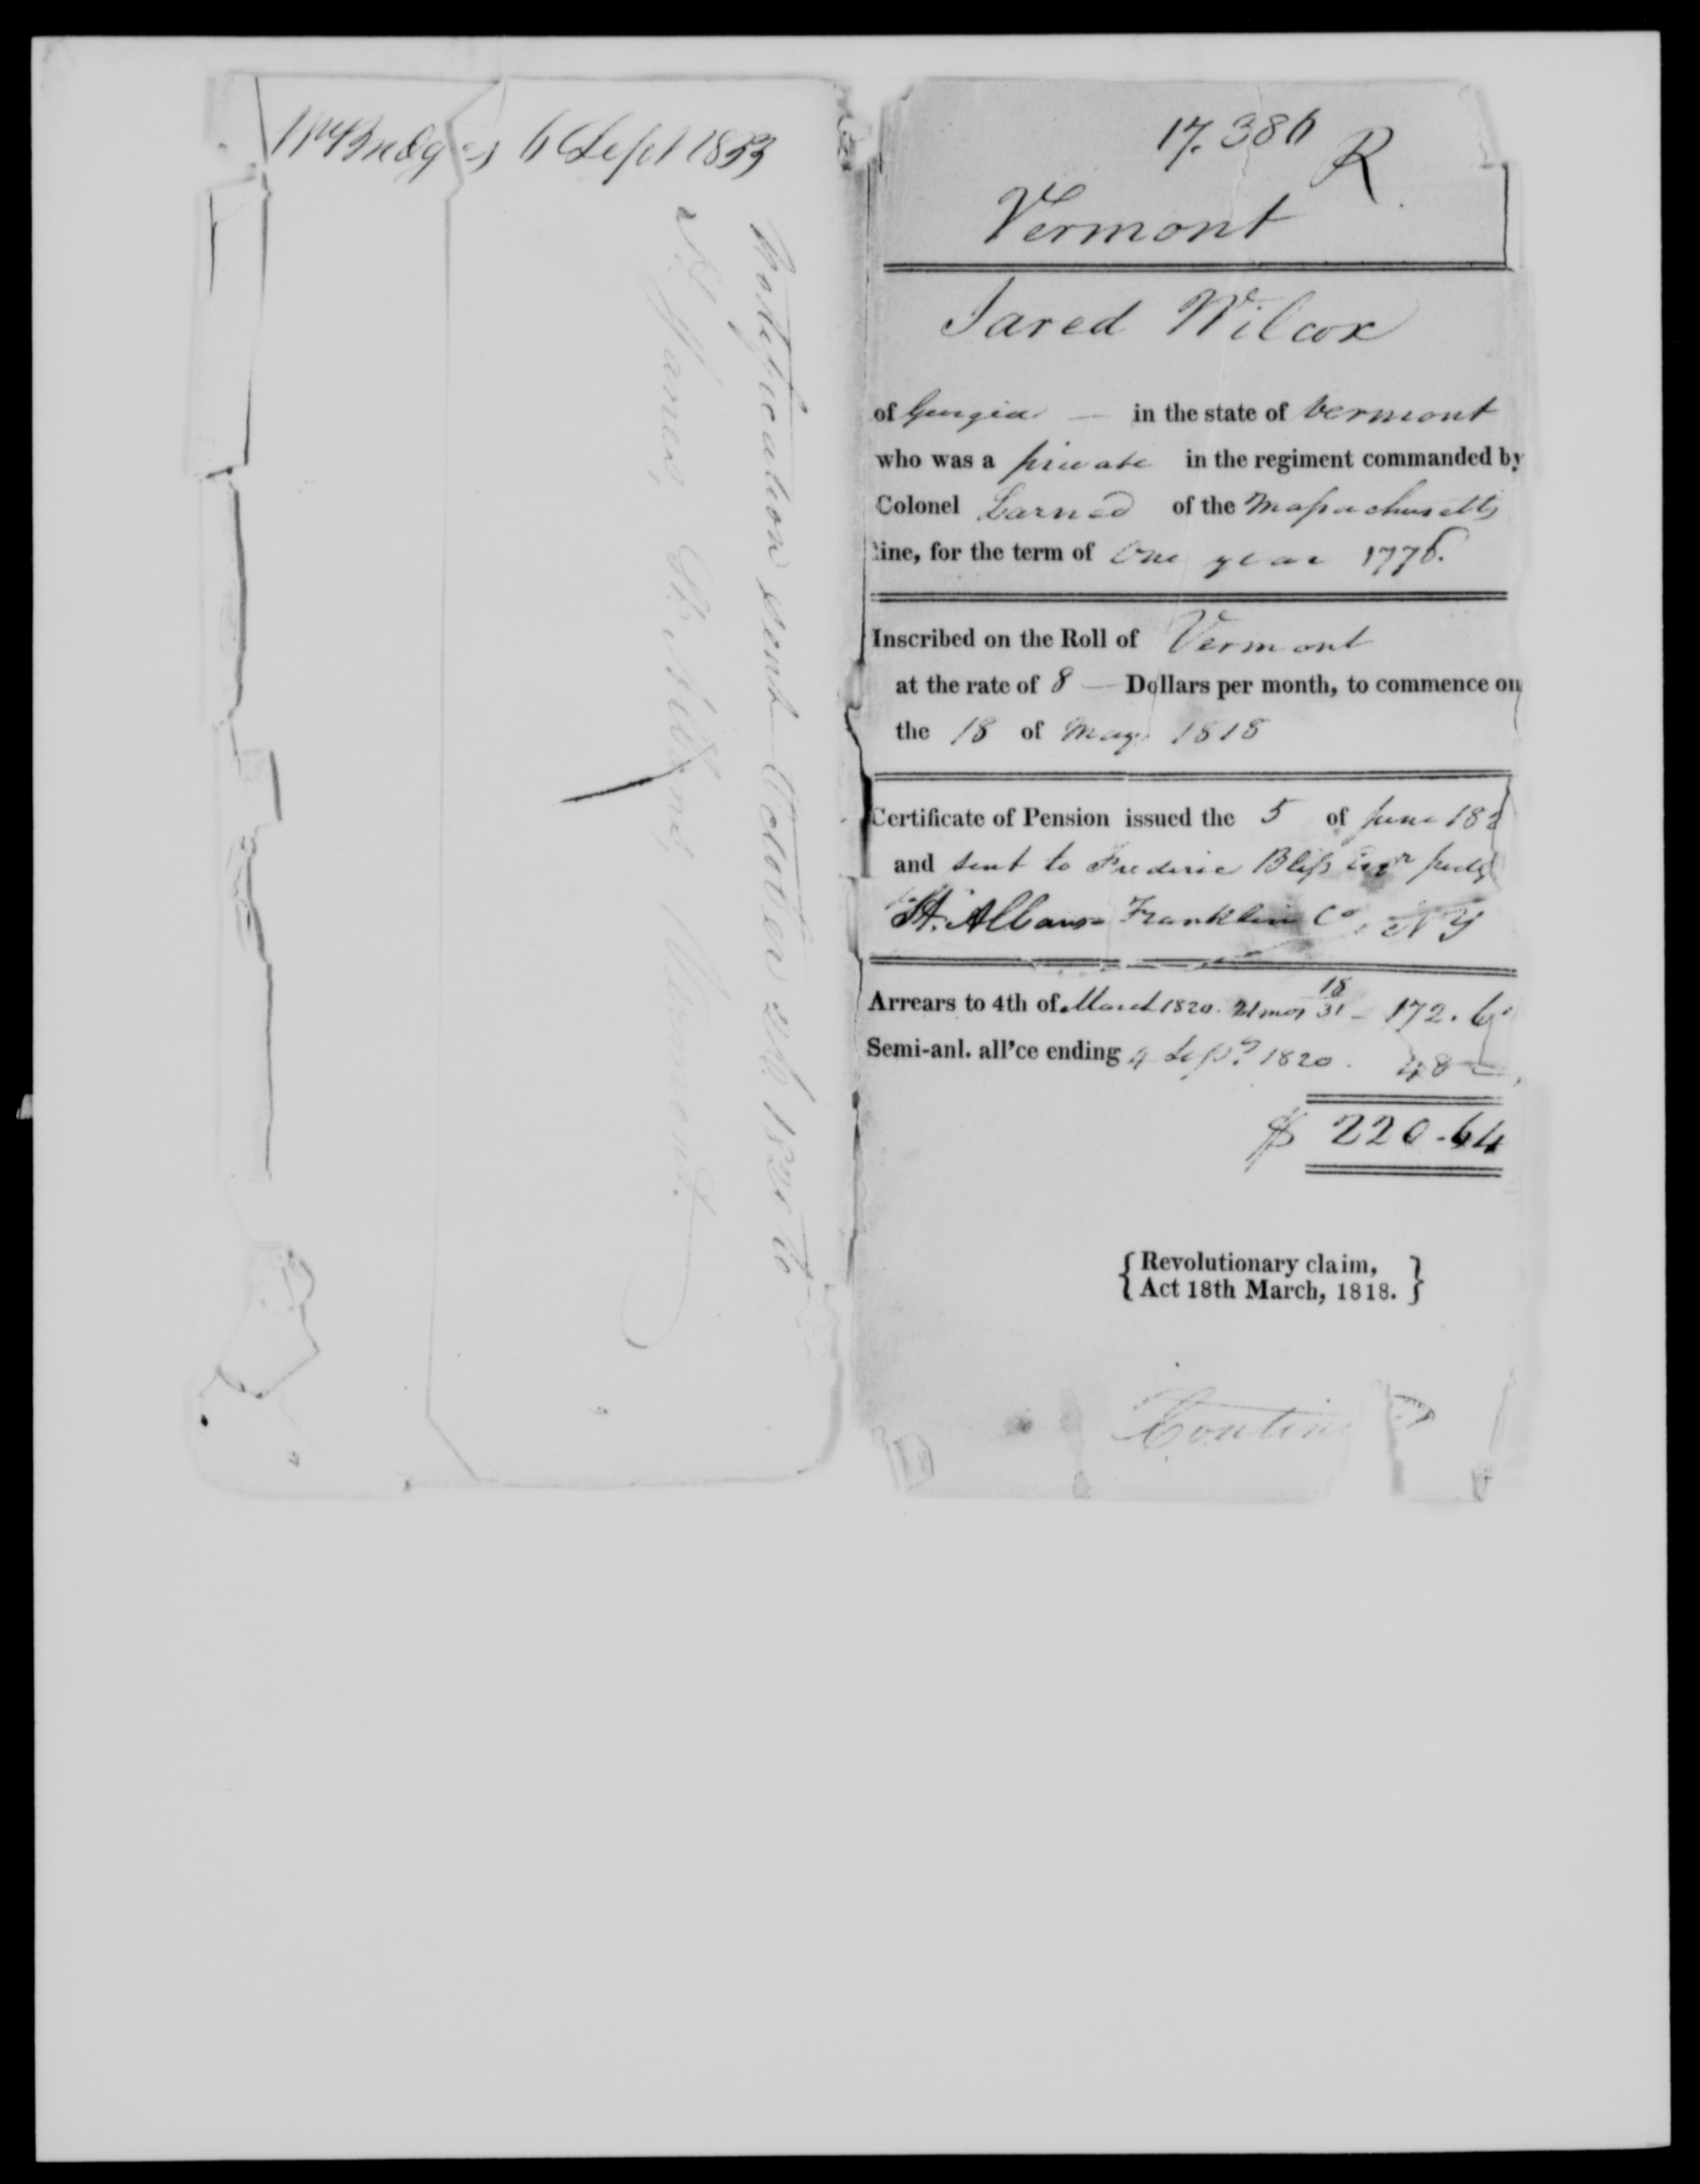[FIRST COLUMN]

McBridges  (illegible)  1833

(Written Vertically)

Notification sent  October  26 1820 to
H. James, St. Albans, Vermont.

 
[SECOND COLUMN]

17.38h
R. 
Vermont

Jared Wilcox
of Georgia in the state of Vermont
who was a private in the regiment commanded by
Colonel Larned of the Massachusetts
line, for the term of one year 1776.

Inscribed on the Roll of Vermont
at the rate of 8 -- Dollars per month, to commence on
the 18 of May 1818

Certificate of Pension issued the 5 of June 182(cutoff)
and sent to Frederic Bliss (illegible)
St. Albans. Franklin Co. NY

Arrears to 4th of March 1820.  21 mos 18/31 - 172.64
Semi-anl. all'ce ending 4 Sept 1820.  48
$ 220.64


{ Revolutionary claim, }
{ Act 18th March, 1818. }

(illegible handwriting)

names: Frederic Bliss, Larned, Jared Wilcox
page: 2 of 34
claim: survivor's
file: S. 41337, Jared Wilcox, Continental Mass.